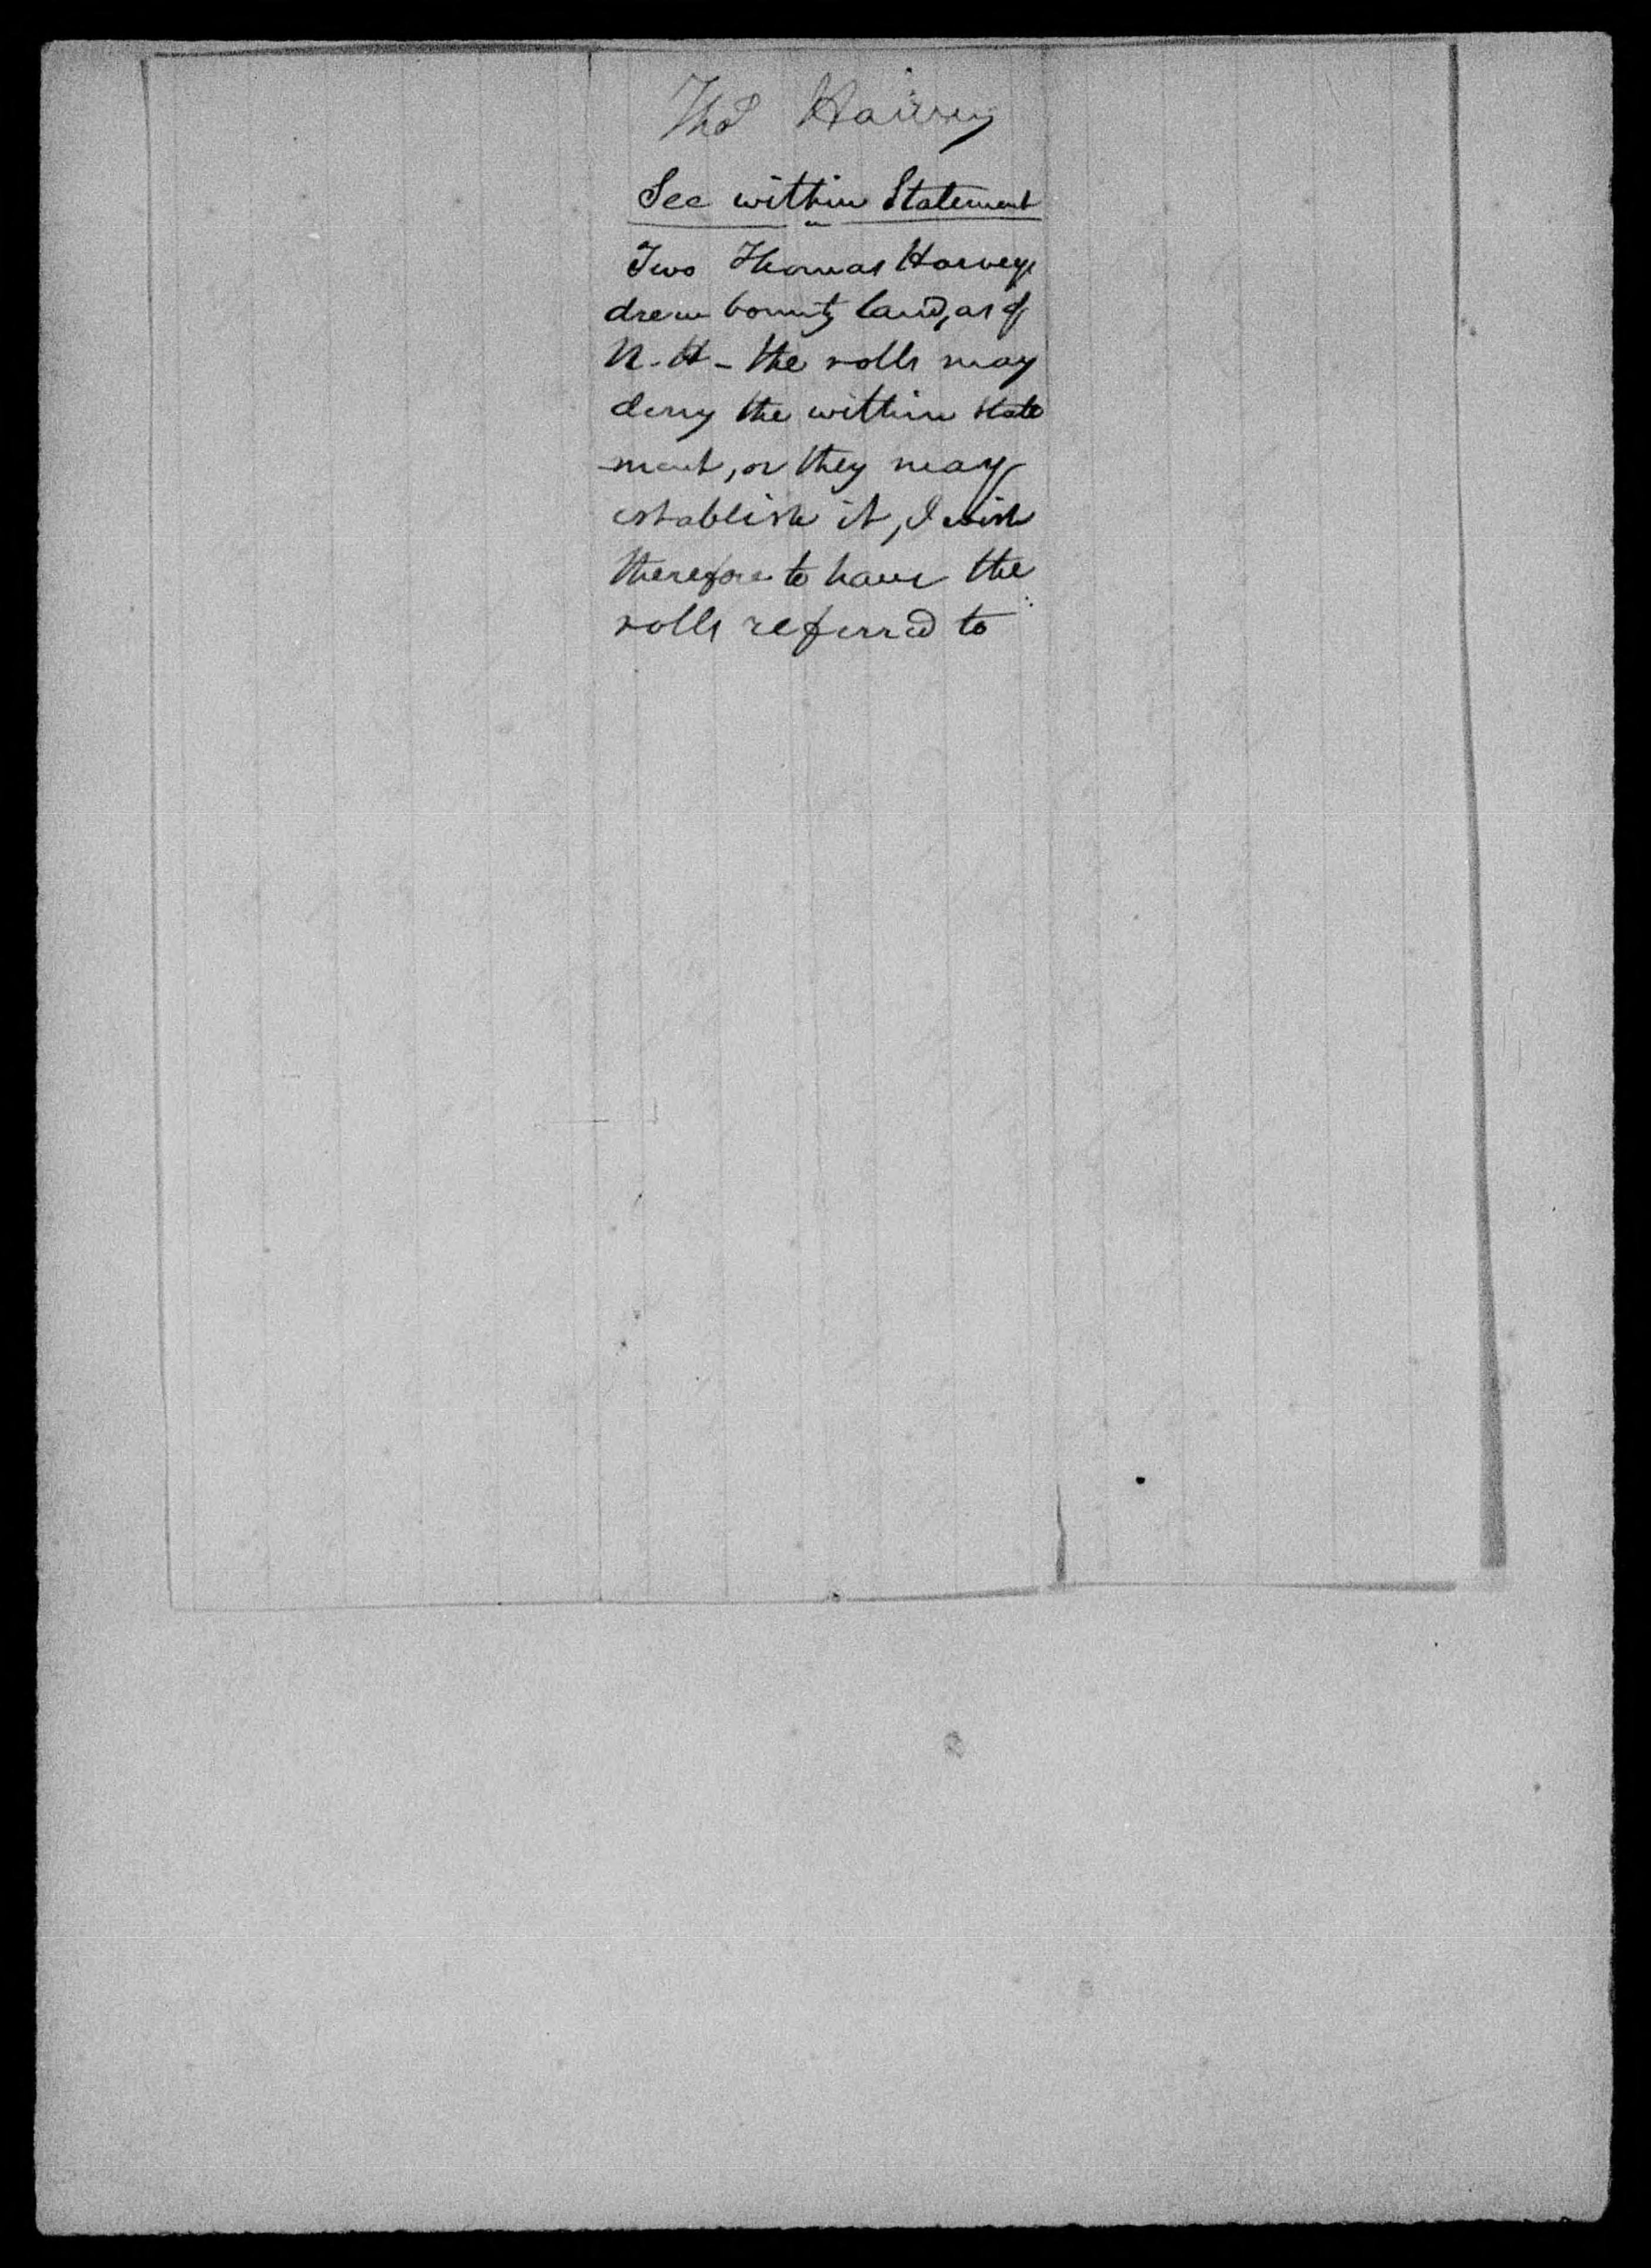Thos Harvey
See within Statement 
Two  Thomas Harveys drew bounty land, as of N.H. - the rolls may deny the within statement, or they may establish it, I wish therefore to have the rolls referred to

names: Thos Harvey, Thomas Harvey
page: 6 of 80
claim: survivor's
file: S. 18008, Thomas Harvey, N.H.